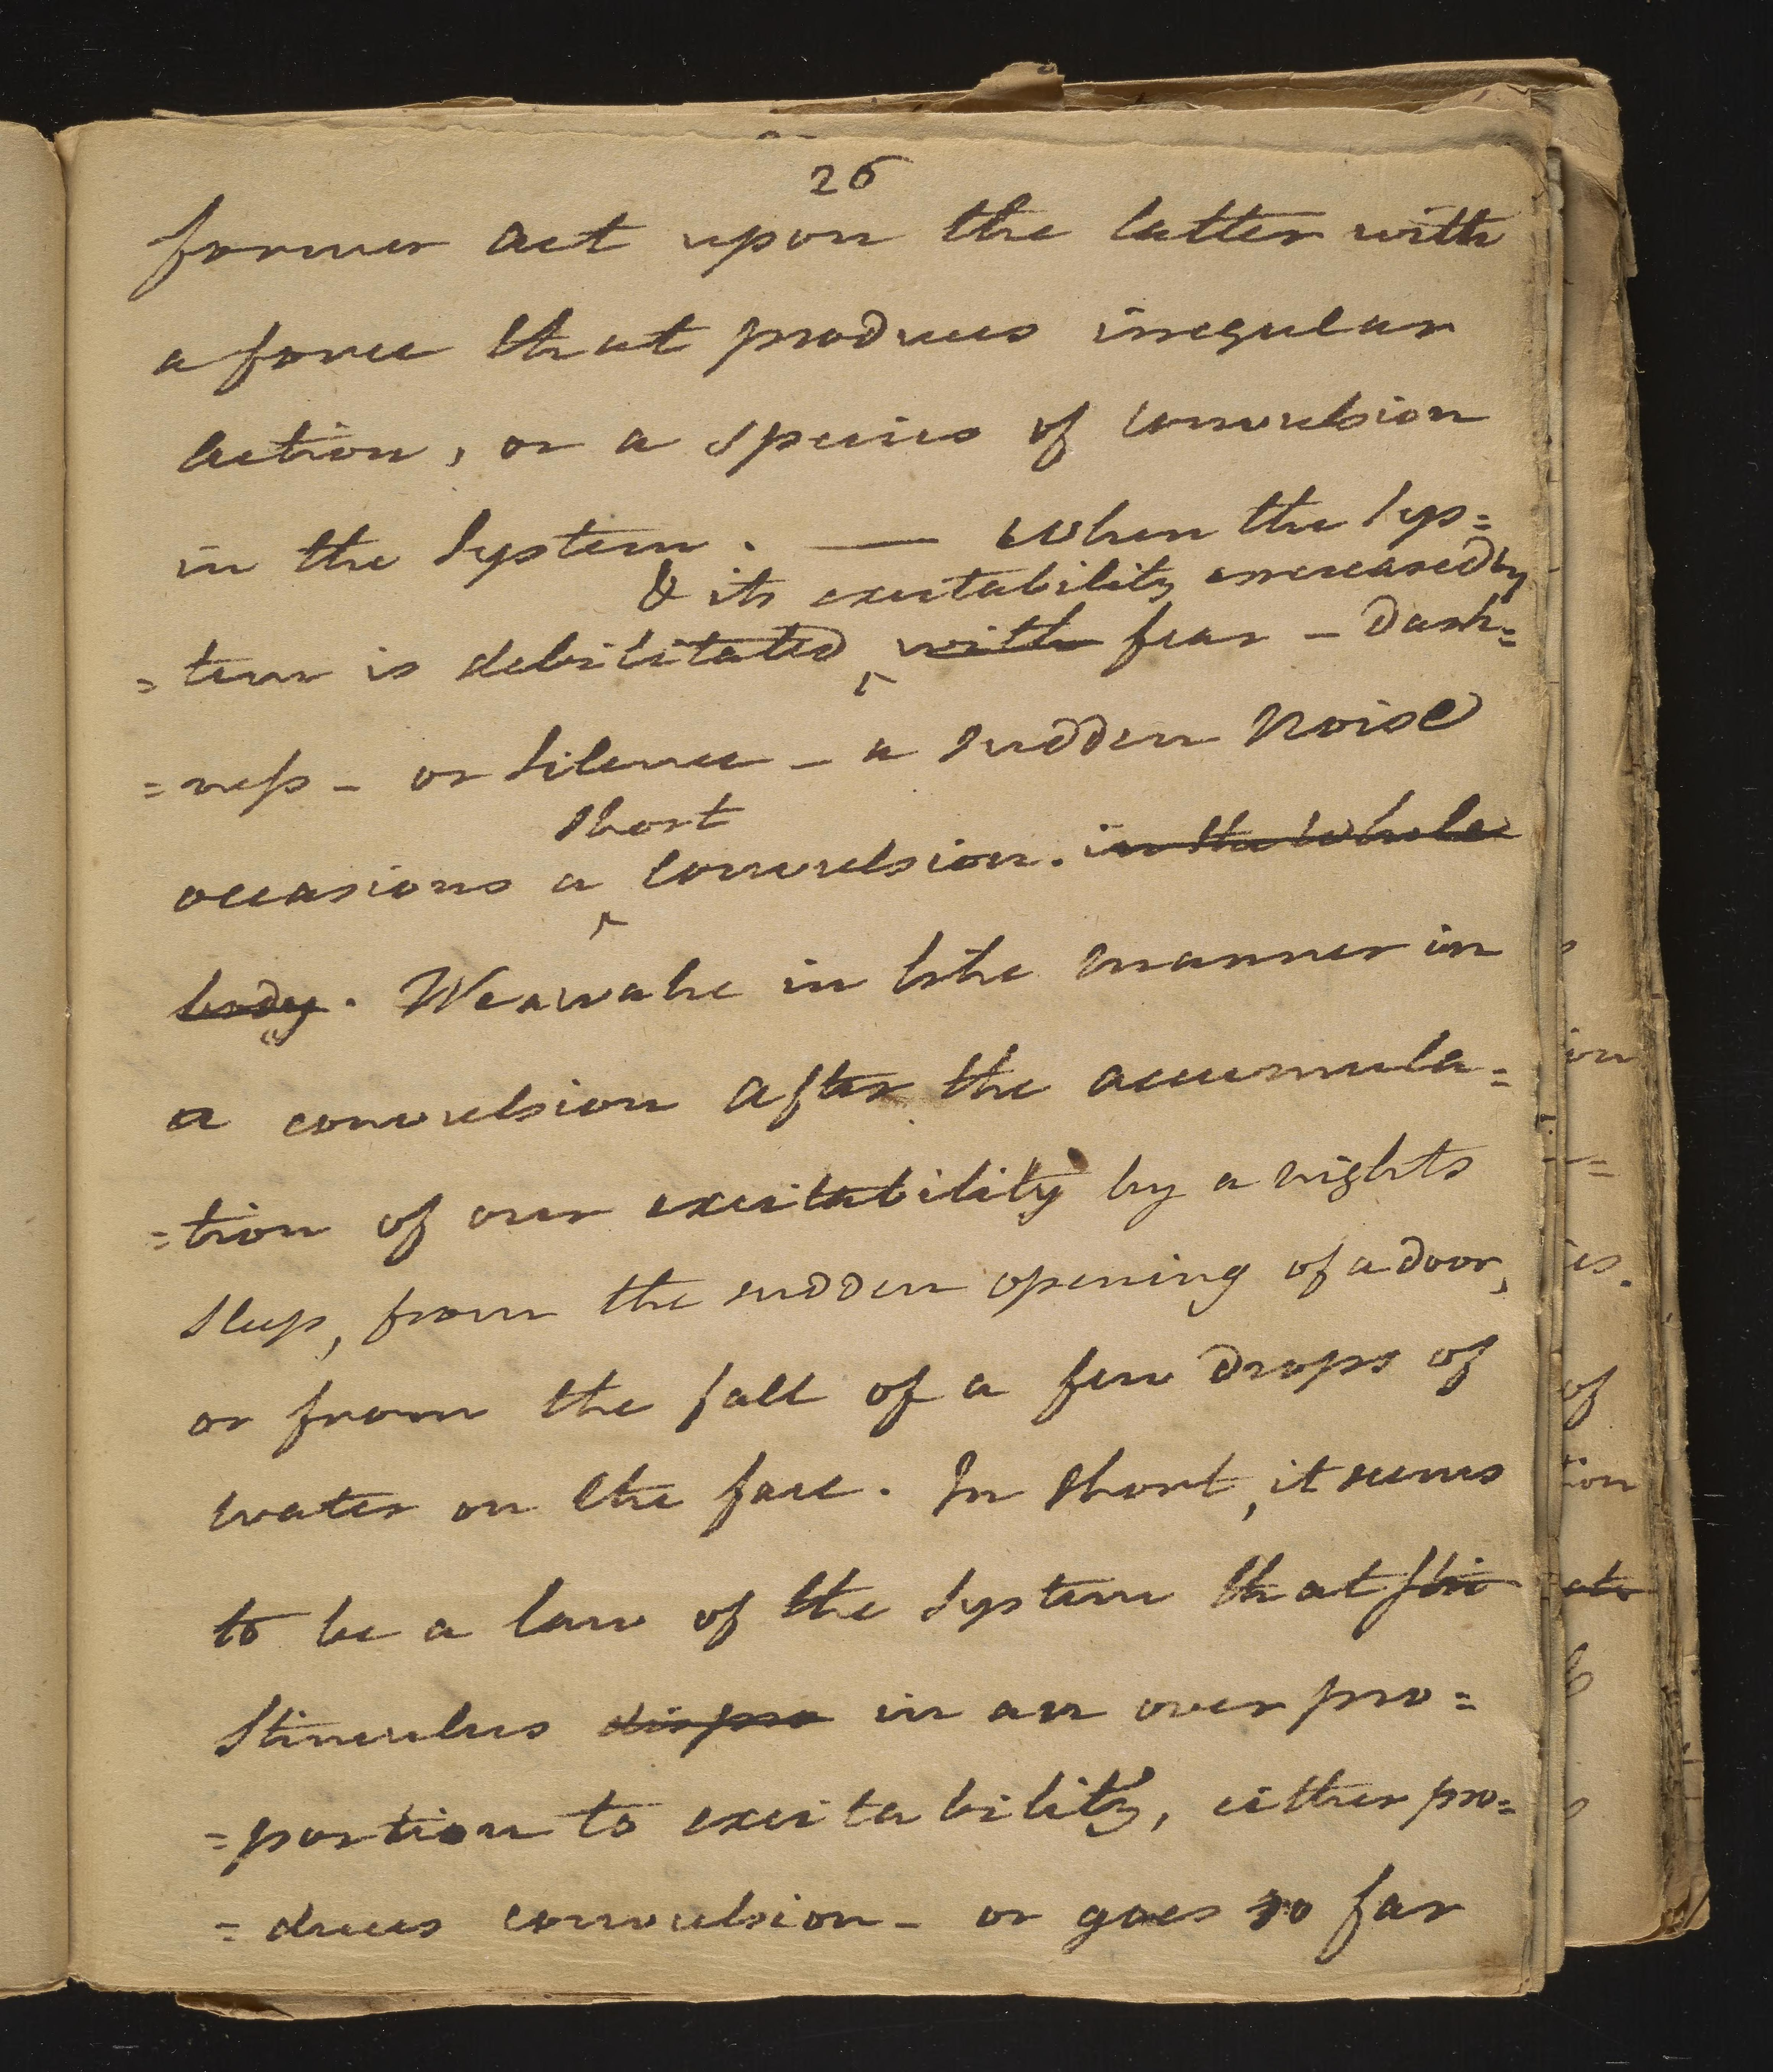26
forces upon the latter with
a force that produces irregular
action, or a species of convulsion
in the sytem. When the sys-
& its excitability encreased by
-them is debilitated ^ [with] fear, dark-
-ness, or silence. A sudden noise
short
occasions a ^ convulsion. [in the whole]
[body]. We awake in like manner in
a convulsion after the accumula-
-tion of over excitability by a nights
sleep, from the sudden opening of a door,
or from the fall of a few drops of
water on the face. In short, it seems
to be a law of the system that [for]
stimulus [dispo] is an over pro-
-portion to excitability, either pro-
-duces convulsion, or goes so far